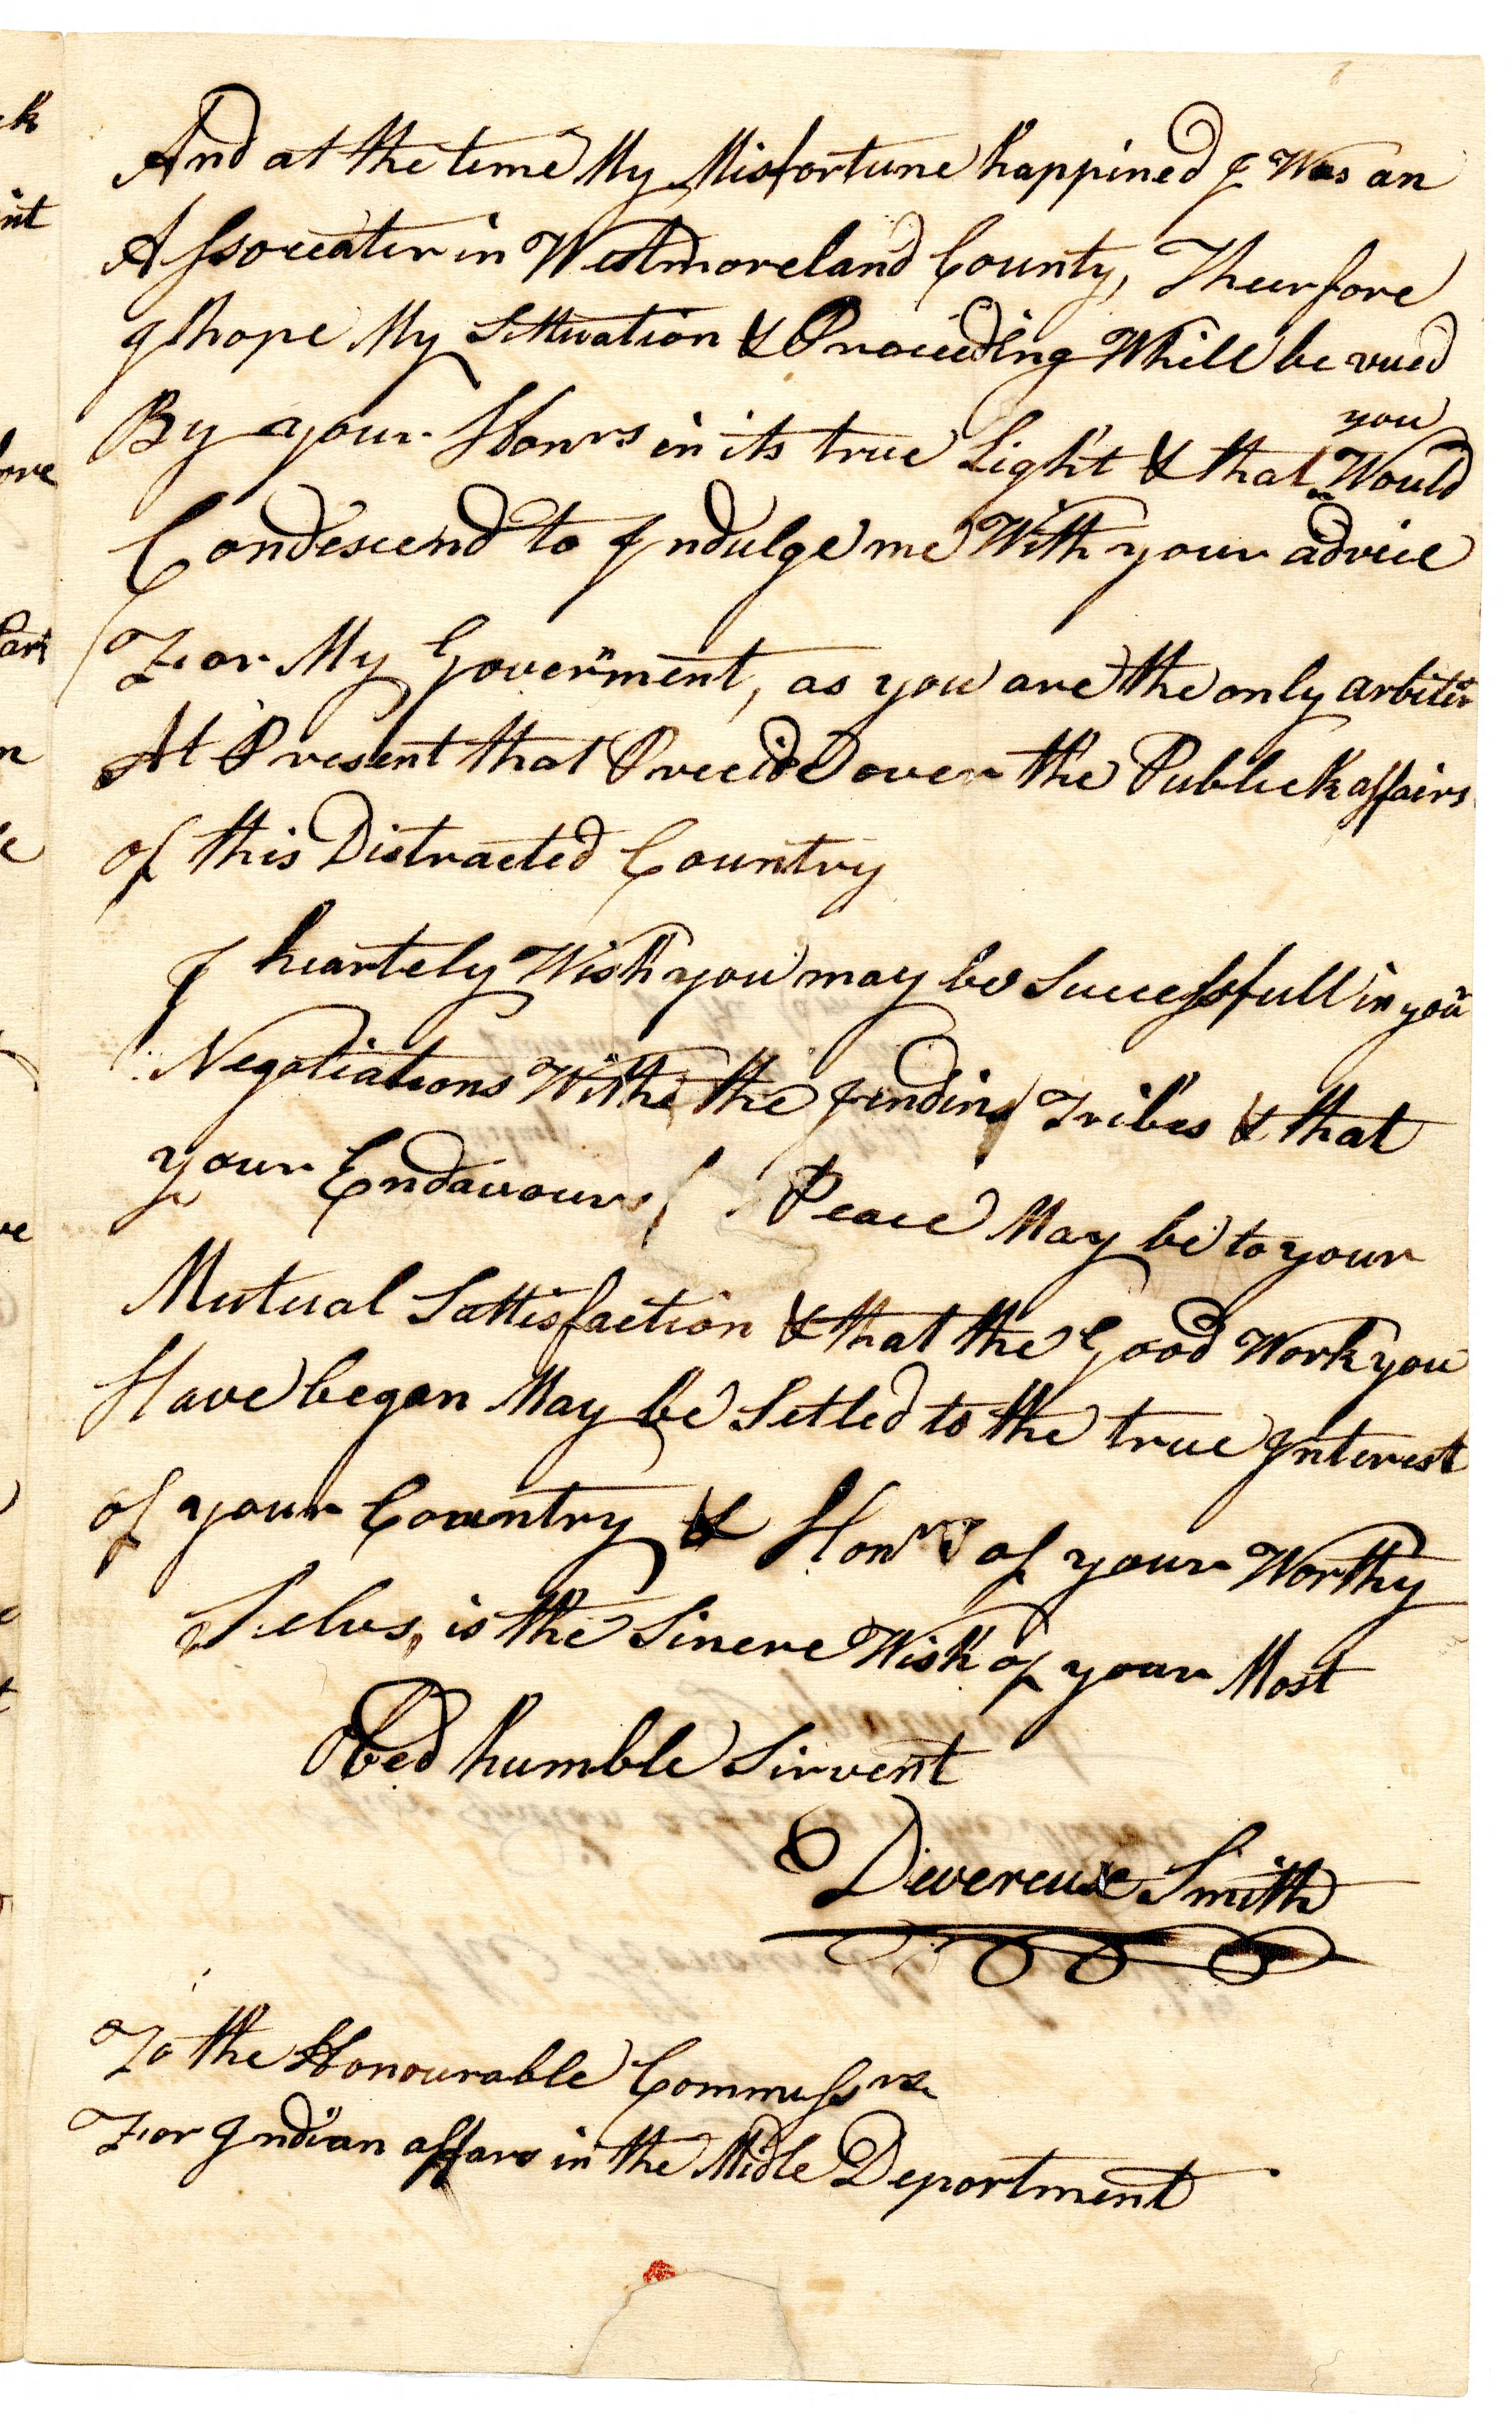And at the time My Misfortune happined I Was an
Associatin in Westmoreland County, Therefore
I hope My Sittuation & Proceeding Whill be vued
you
By your Hon^rs in its true Light & that ^ Would
Condescend to Indulge me With your advice
For My Government, as you are the only arbiter
At Present that Preside over the Publick affairs
of this Distracted Country
I heartely Wish you may be successfull in your
Negotiations Withe the Iendin Tribes & that
Your Endavours/ Peace May be to your
Mutual Sattisfaction & that the Good Work you
Have began May be Setled to the true Interest
of your Country & Hon^r. of your Worthy
Selvs, is the Sinere Wish of your Most
Obed humble Sirvent
Devereux Smith
To the Honourable Commiss^rs
For Indian affars in the Midle Deportment